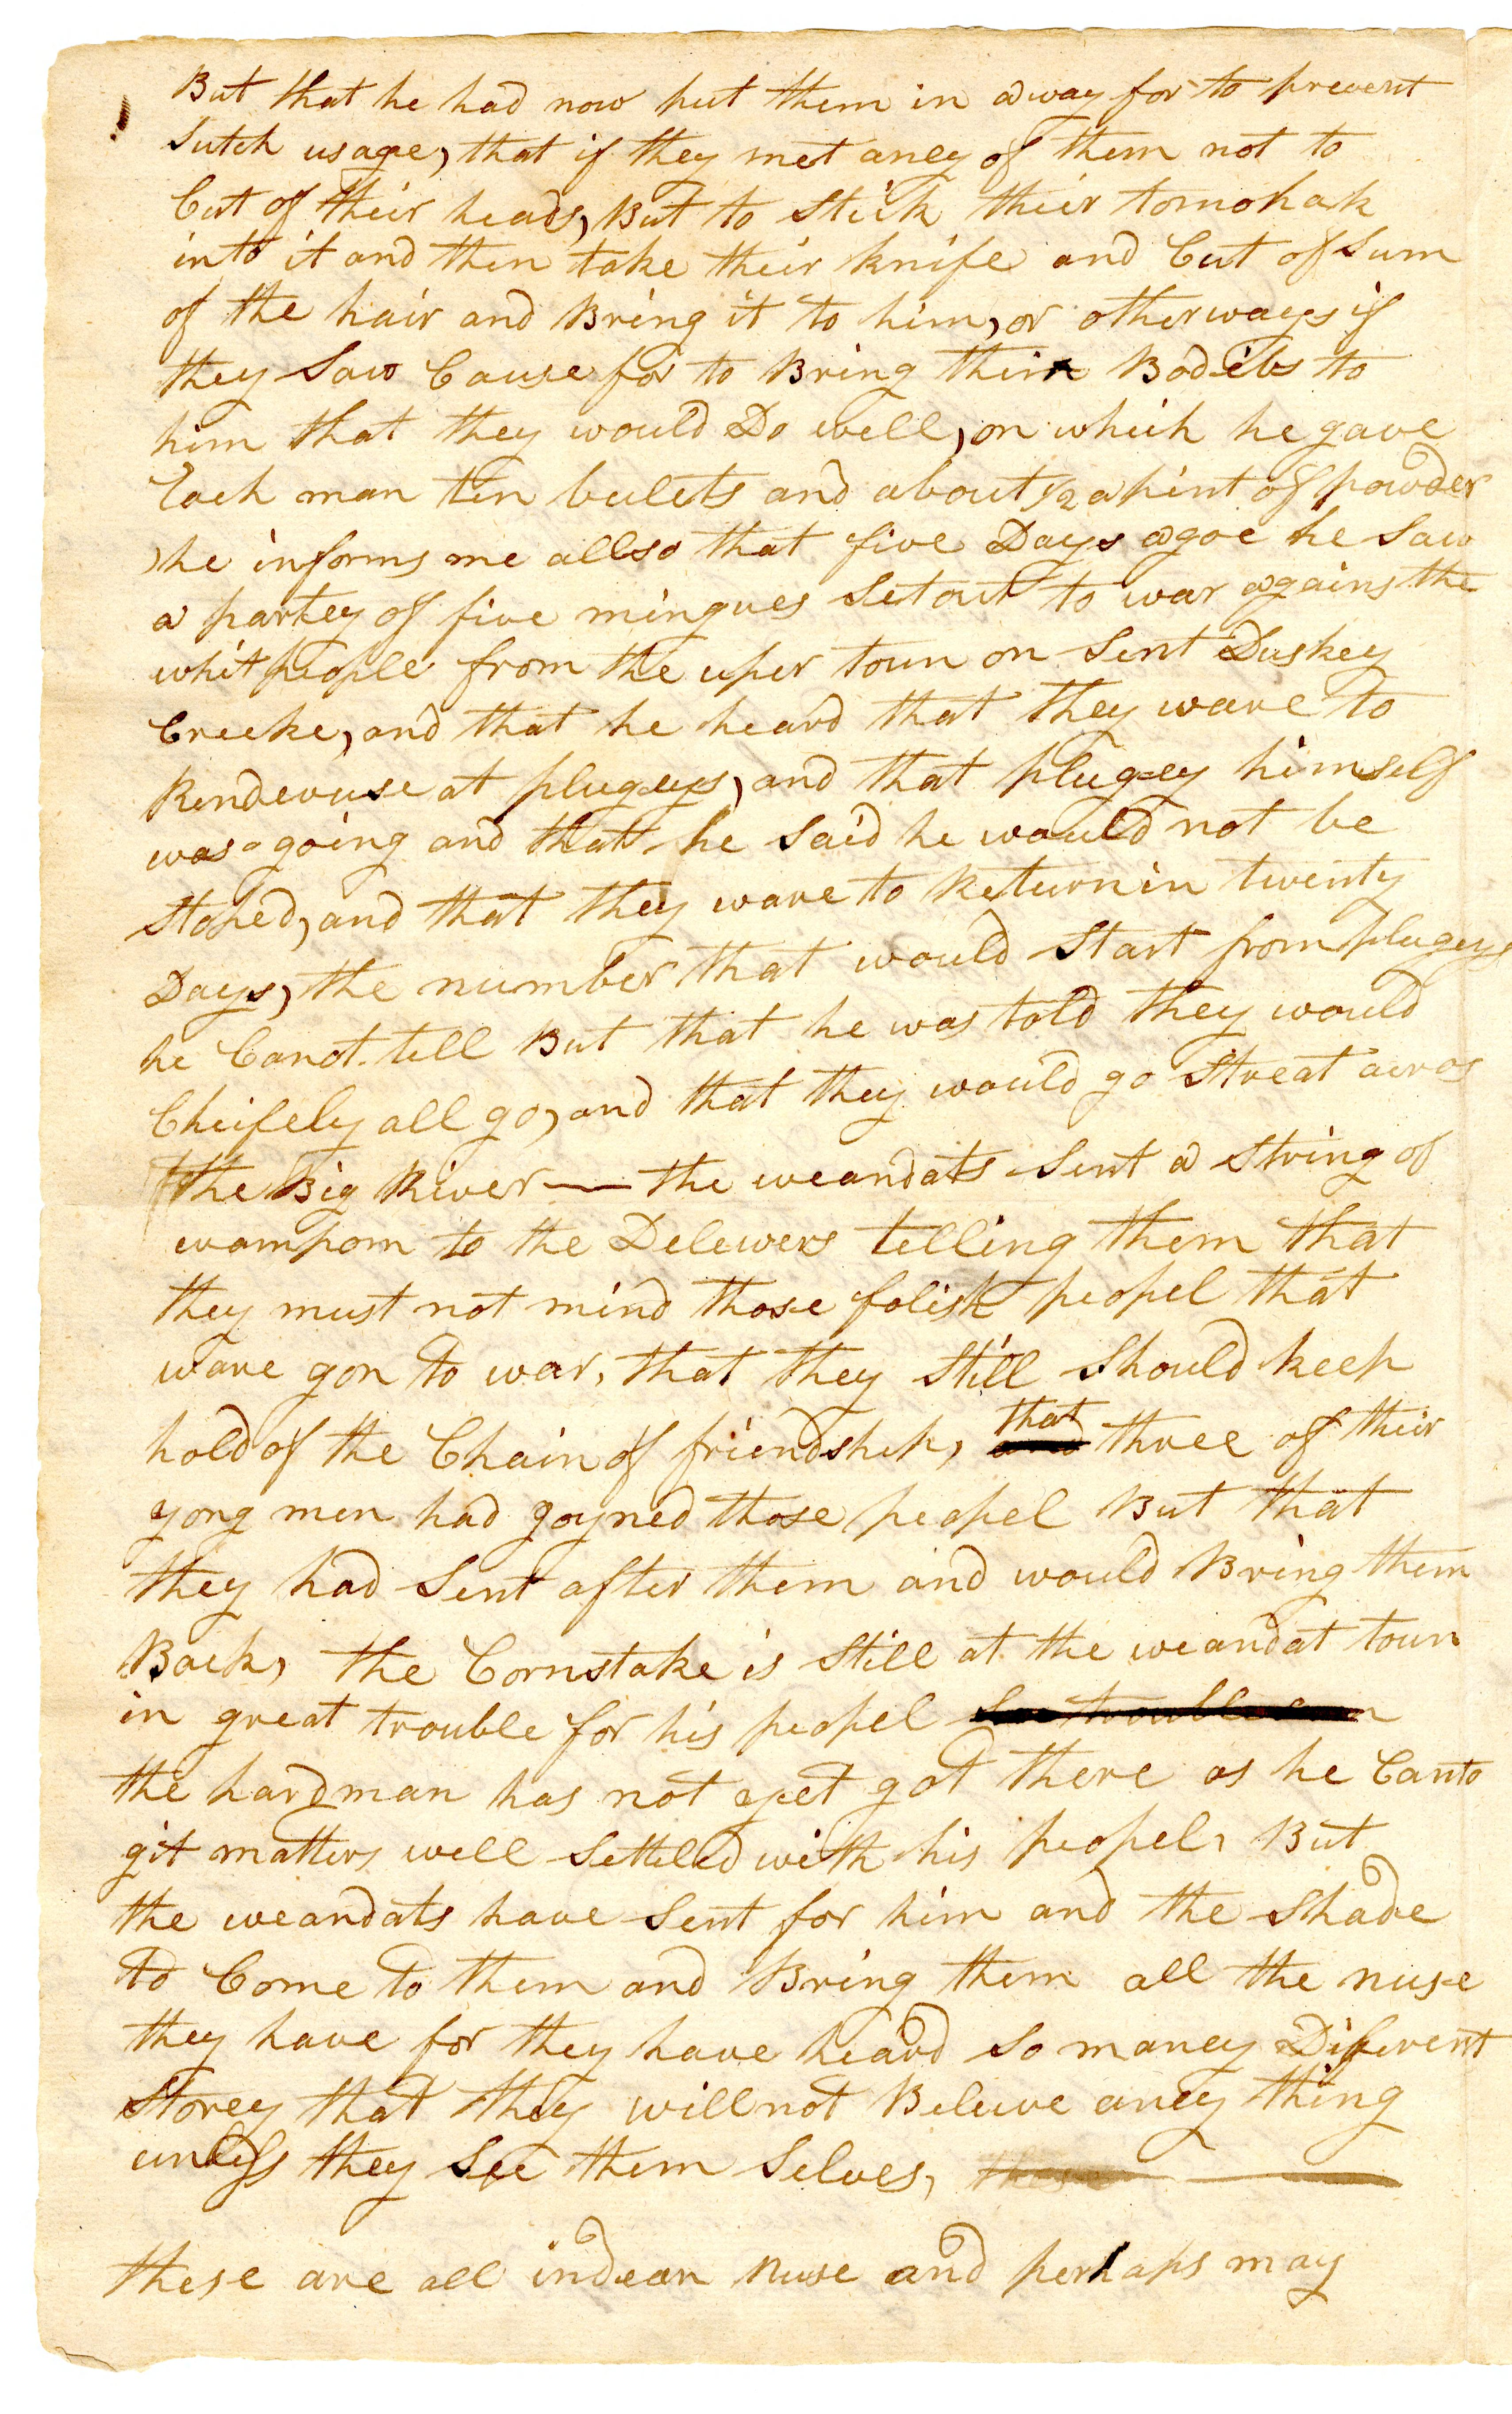But that he had now put them in away for to prevent
Sutch usage, that if they met aney of them not to
Cut of their heads, But to stick their tomohak
into it and then take their knife and Cut of Sum
of the hair and Bring it to him, or other ways if
they Saw Cause for to Bring their Bodies to
him that they would Do well, on which he gave
Each man ten bulets and about 1/2 a pint of powder
he informs me allso that five Days agoe he saw
a partey of five mingues set out to war agains the
whit people from the uper toun on Sent Duskey
Creeke, and that he heard that they ware to
Rendevuse at plugeys, and that plugey himself
was a going and that, he said he would not be
stoped, and that they ware to Return in twenty
Days, the number that would Start from plugey
he Canot tell But that he was told they would
Chiefely all go, and that they would go streat acros
the Big River- the weandats sent a String of
wampom to the Delewers telling them that
they must not mind those folish peopel that
were gon to war, that they still should keep
that
hold of the Chain of friendships, [and] three of their
yong men had joyned those peopel But that
they had Sent after them and would Bring them
Back, the Cornstake is still at the weandat toun
in great trouble for his peopel [___] [trouble] [___]
the hard man has not yet got there as he Can to
git matters well setteled with his peopel, But
the weandats have sent for him and the shade
to Come to them and Bring them all the nuse
they have for they have heard So maney Diferent
storey that they will not Believe aney thing
unless they See them Selves,
these are all indean nuse and perhaps may